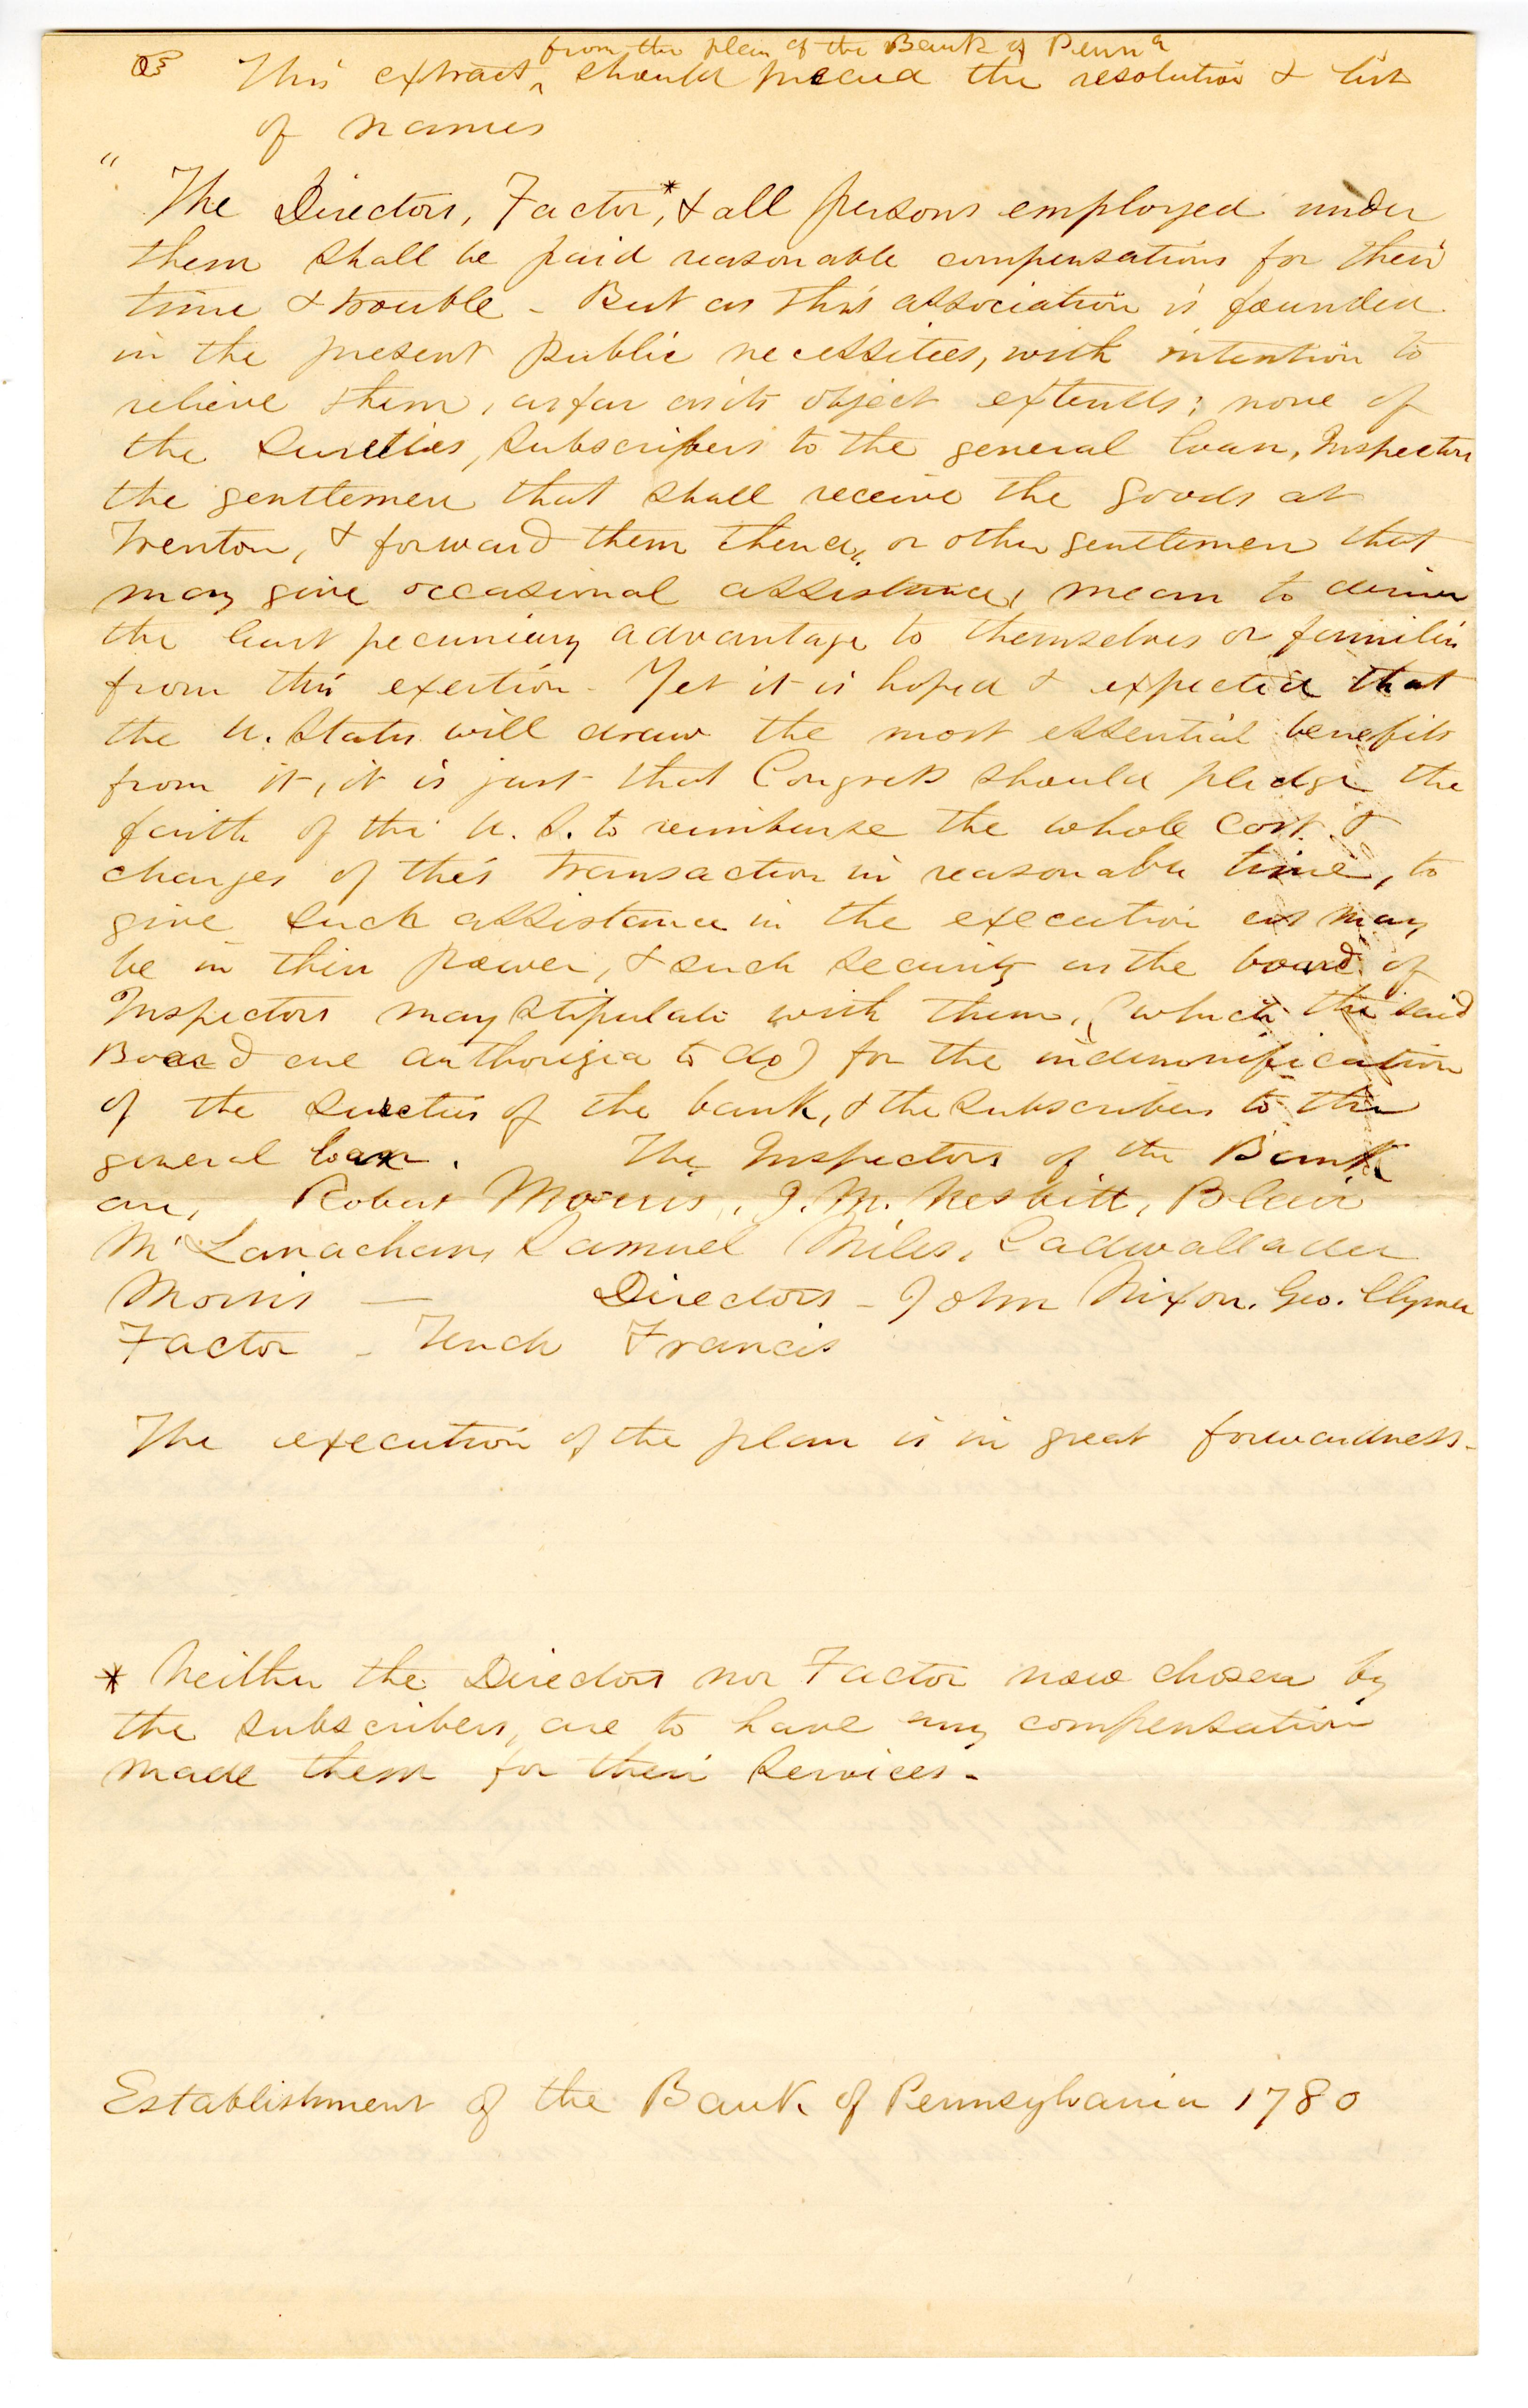From the plein of the Bank of Penn^a
Ths' extract ^ should prelud the resolutions & list
of Names
The Directors, Factor,* & all persons employed under
them shall be paid reasonable compensations for their
time & trouble. But as this appreciation is founded
in the present public necessities, with intention to
relieve thim, as far omits object externals; none of
the Sureties, subscribers to the general loan, Inspection
the gentlemen that shall receive the goods at
Trenton, & forward them themce, or other gentlemen that
may give occasional assistance mean to claim
the court pecuniary advantage to themselves or families
from this exertion. Yet it is hoped & expected that
the U. States will draw the most essential benefits
from it, it is just that Congress should please the
faith of the U. S. to reimburse the whole Cost &
charges of this transaction in reasonable time, to
give such assistance in the execution it may
be in their power, & such security as the board of
Inspectors may stipulate with them. (which the said
Board are authorized to do) for the indemnification
of the Qualities of the bank, & the Subscribers to the
general bank.
The Inspecters of the Bank
one, Robert Morris. J. M. Nesbitt, Blair
M^r Lanachens, Samuel Miles. Cadwallder
Morris-
Directors- John Brixon, Geo. Clymer
Factor - Tench Francis
The execution of the plan is in great forwardness
* Neither the Directors nor Factor now chosen by
the subscribers, are to have any compensation
made them for their Services-
Establishment of the Bank of Pennsylvania 1780